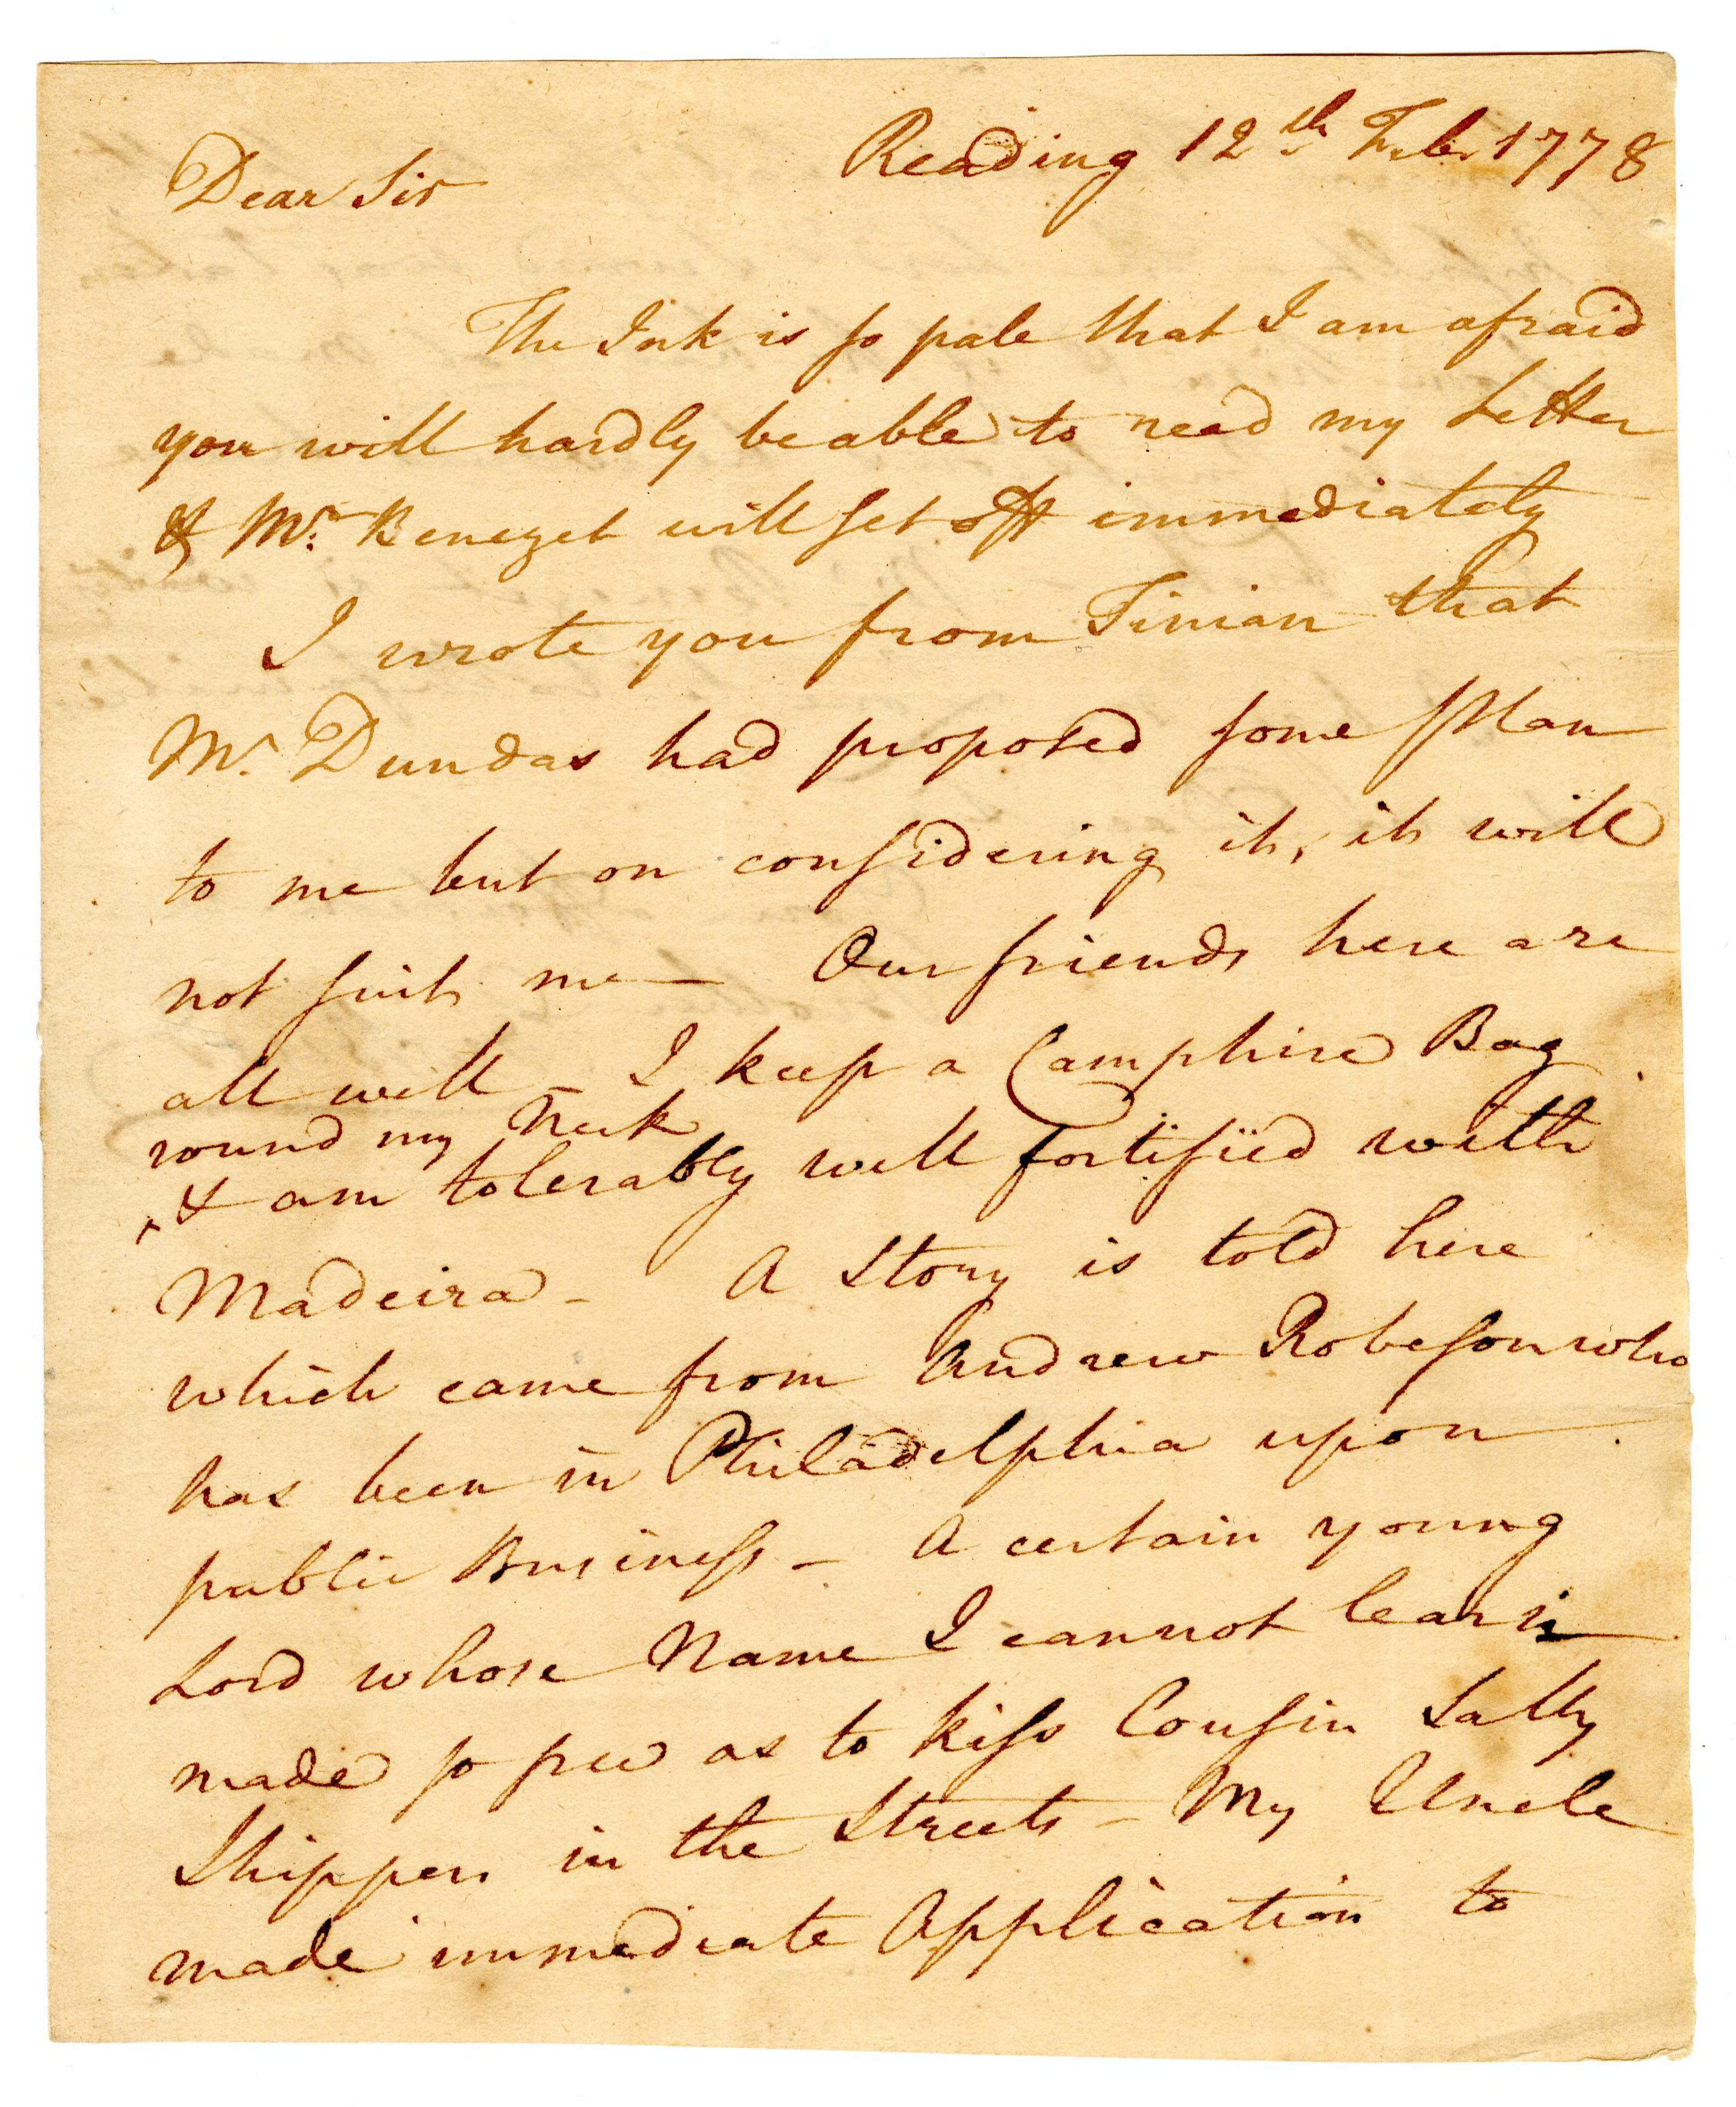Reading 12^th. Feb. 1778
Dear Sir
The Ink is so pale that I am afraid
you will hardly be able to read my Letter
& M^r: Benezet will set off immediately
I wrote you from Tinian that
M^r. Dundas had proposed some plan
to me but on considering it, it will
not suit me. Our friends here are
all well. I keep a Camphire Bag
round my Neck
^ & am tolerably well fortified with
Madeira. A story is told here
which came from Andrew Robeson who
has been in Philadelphia upon
public Business. A certain young
Lord whose Name I cannot learn
made so free as to kiss Cousin Sally
Shippen in the Streets. My Uncle
made immediate Application to